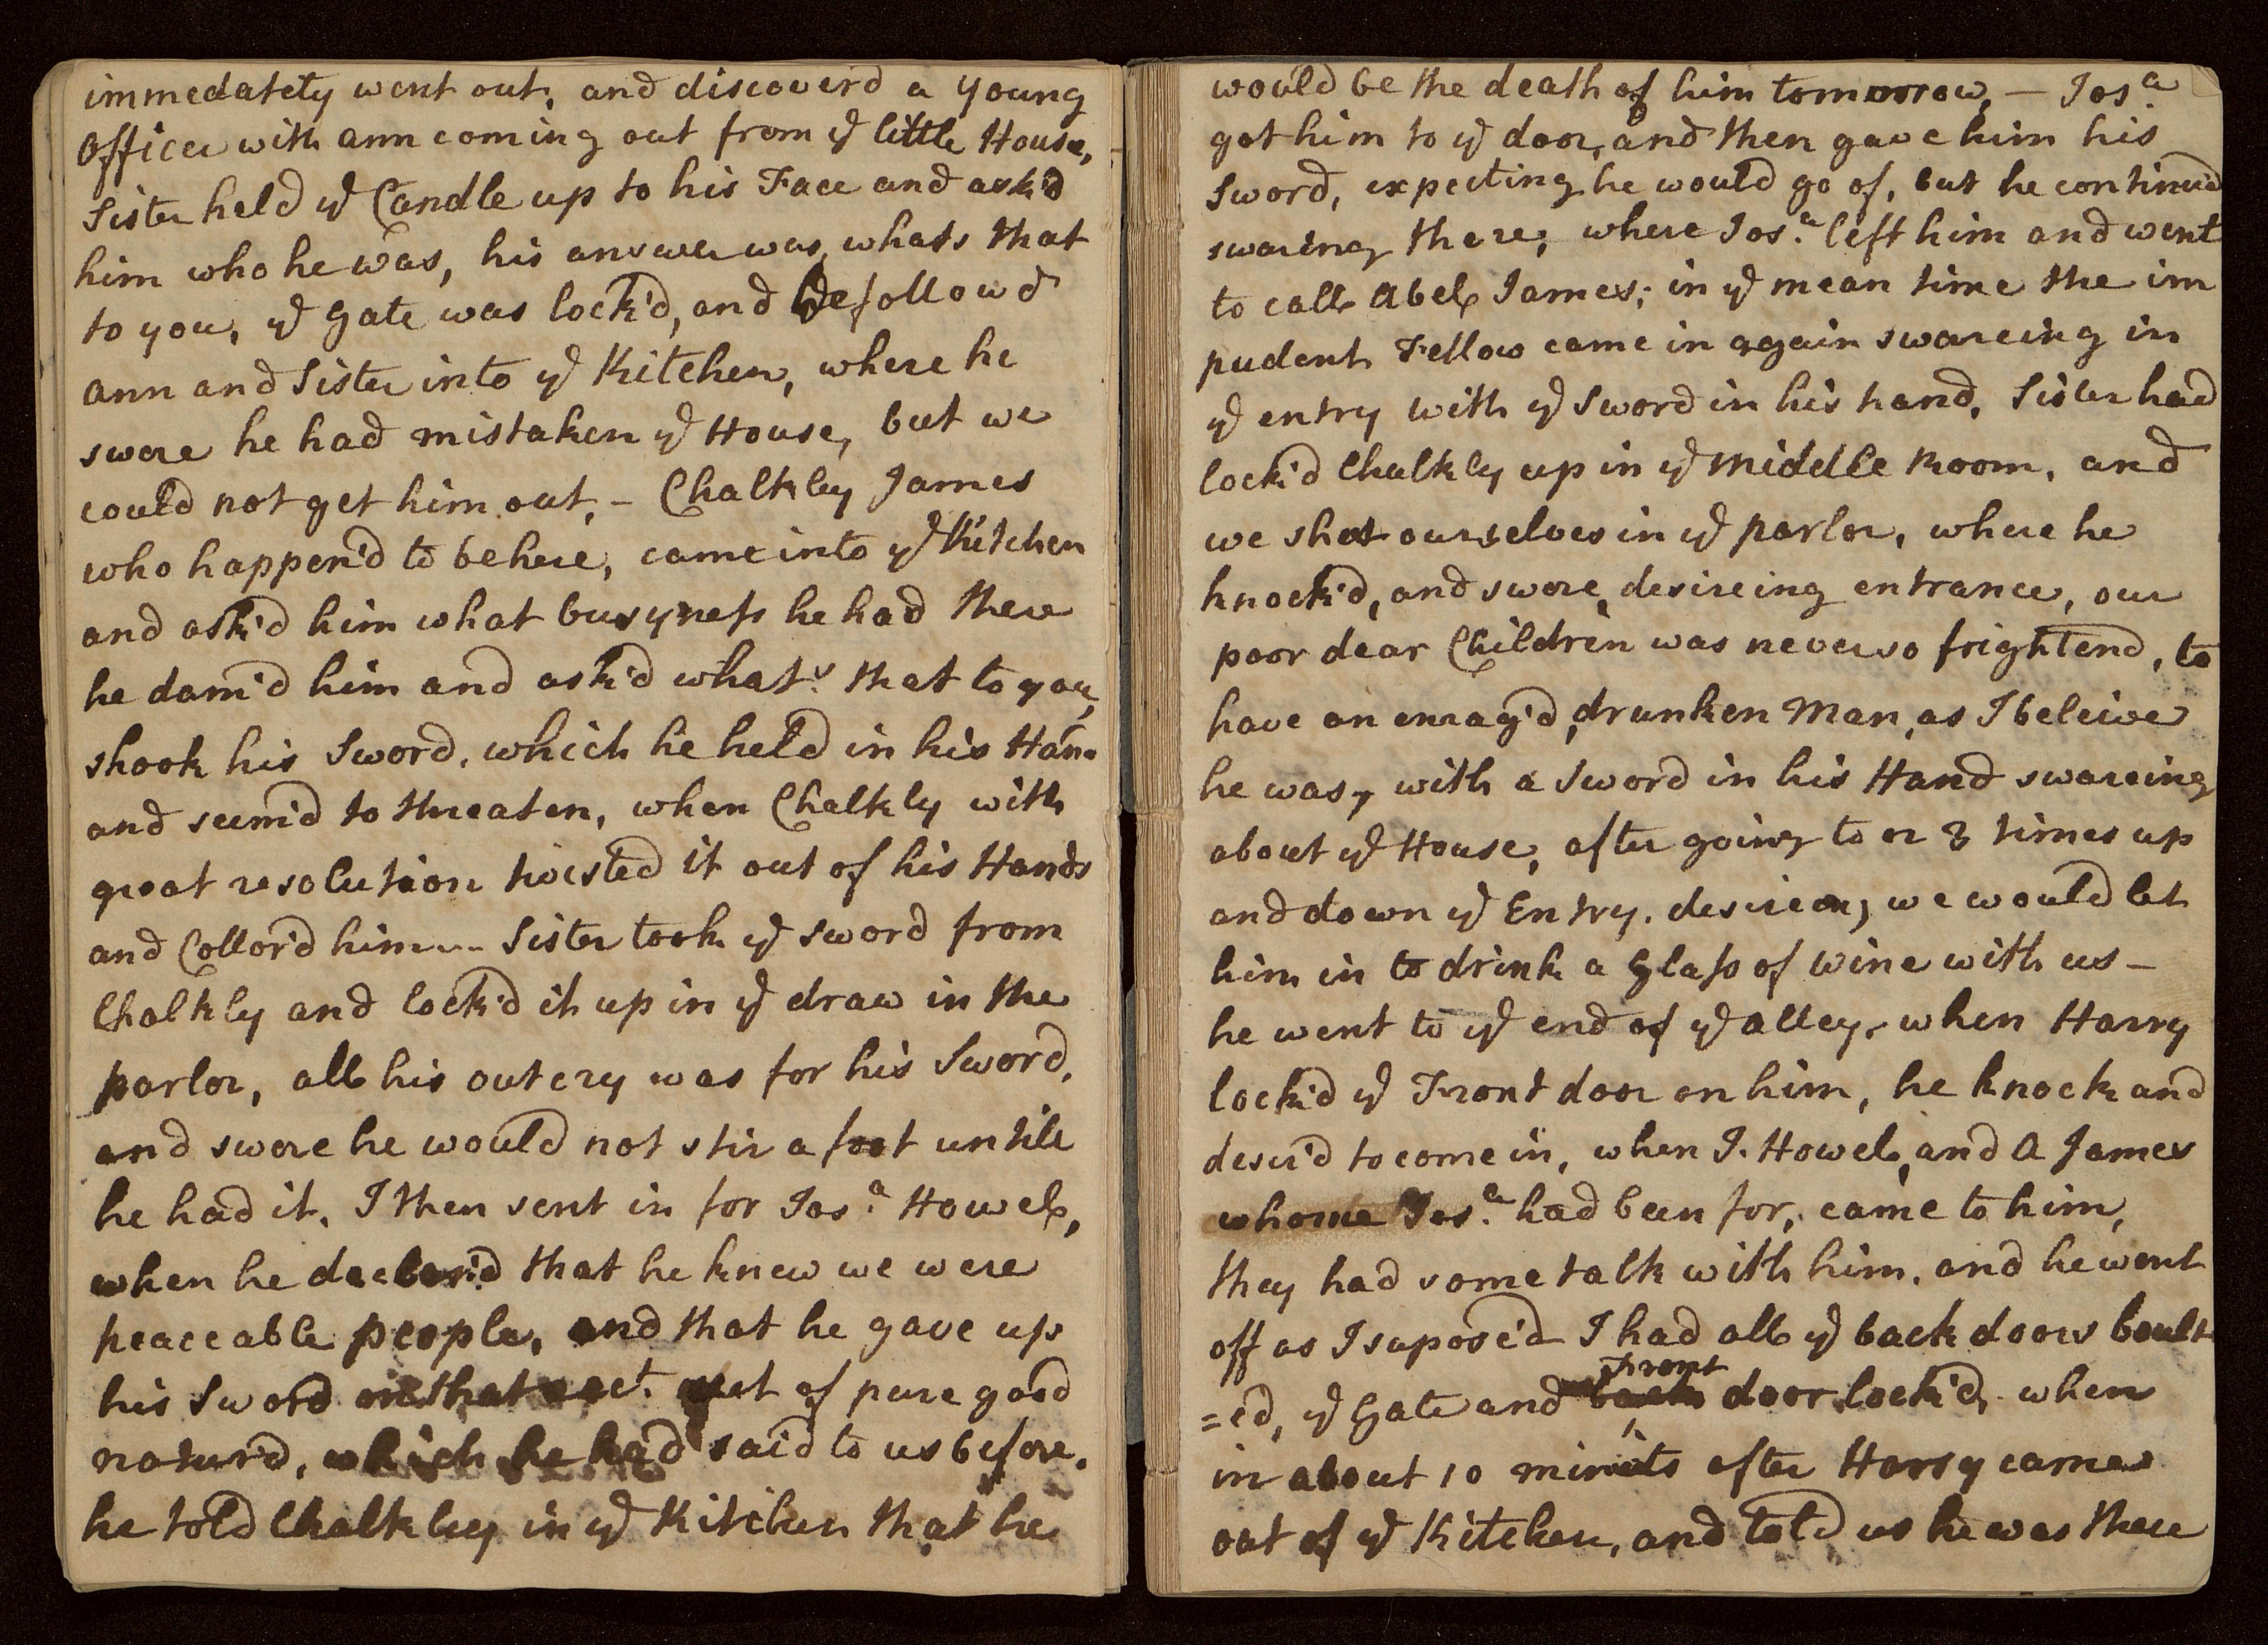immedately went out, and discoverd a young
Officer with Ann coming out from y^e little House,
Sister held y^e Candle up to his Face and ask'd
him who he was, his answer was whats that
to you, y^e gate was lock'd, and he followd
Ann and Sister into y^e Kitchen, where he
sware he had mistaken y^e House, but we
could not get him out,- Chalkly James
who happen'd to behere, came into y^e kitchen
and ask'd him what busyness he had there
he dam'd him and ask'd what^s. that to you,
shook his Sword, which he held in his Hand
and seem'd to threaten, when Chalkly with
great resolution twisted it out of his Hands
and Collor'd him-- Sister took y^e sword from
Chalkly and lock'd it up in y^e draw in the
parlor, all his outcry was for his Sword,
and swore he would not stir a foot untill
he had it. I then sent in for Jos^a. Howel,
when be declar'd that he knew we were
peaceable people, and that he gave up
his Sword on that rec^t. out of pure good
natur'd, which he had said to us before.
he told Chalkley in y^e Kitchen that he
would be the death of him tomorrow.- Jos^a.
got him to y^e door, and then gave him his
Sword, expecting he would go of, but he continu'd
swaring there; where Jos^a. left him and went
to call Abel James; in y^e mean time the im
pudent Fellow came in again swareing in
y^e entry with y^e Sword in his hand, Sister had
lock'd Chalkly up in y^e Middle Room, and
we shut ourselves in y^e parlor, where he
knock'd, and sware, desireing entrance, our
poor dear Children was never so frightend, to
have an enrag'd, drunken Man ,as I beleive
he was, with a Sword in his Hand swareing
about y^e House, after going to or 3 times up
and down y^e Entry. desireng? we would let
him in to drink a Glass of wine with us -
he went to y^e end of y^e alley. when Harry
lock'd y^e Front door on him, he knock and
desir'd to come in, when J. Howel, and James
whome Jos^a. had been for, came to him,
they had some talk with him, and he went
off as I supose'd- I had all y^e back doors boult
Front
-ed, y^e Gate and [back] ^ door lock'd, when
in about 10 minuts after Harry came.
out of y^e Kitchen, and told us he was there